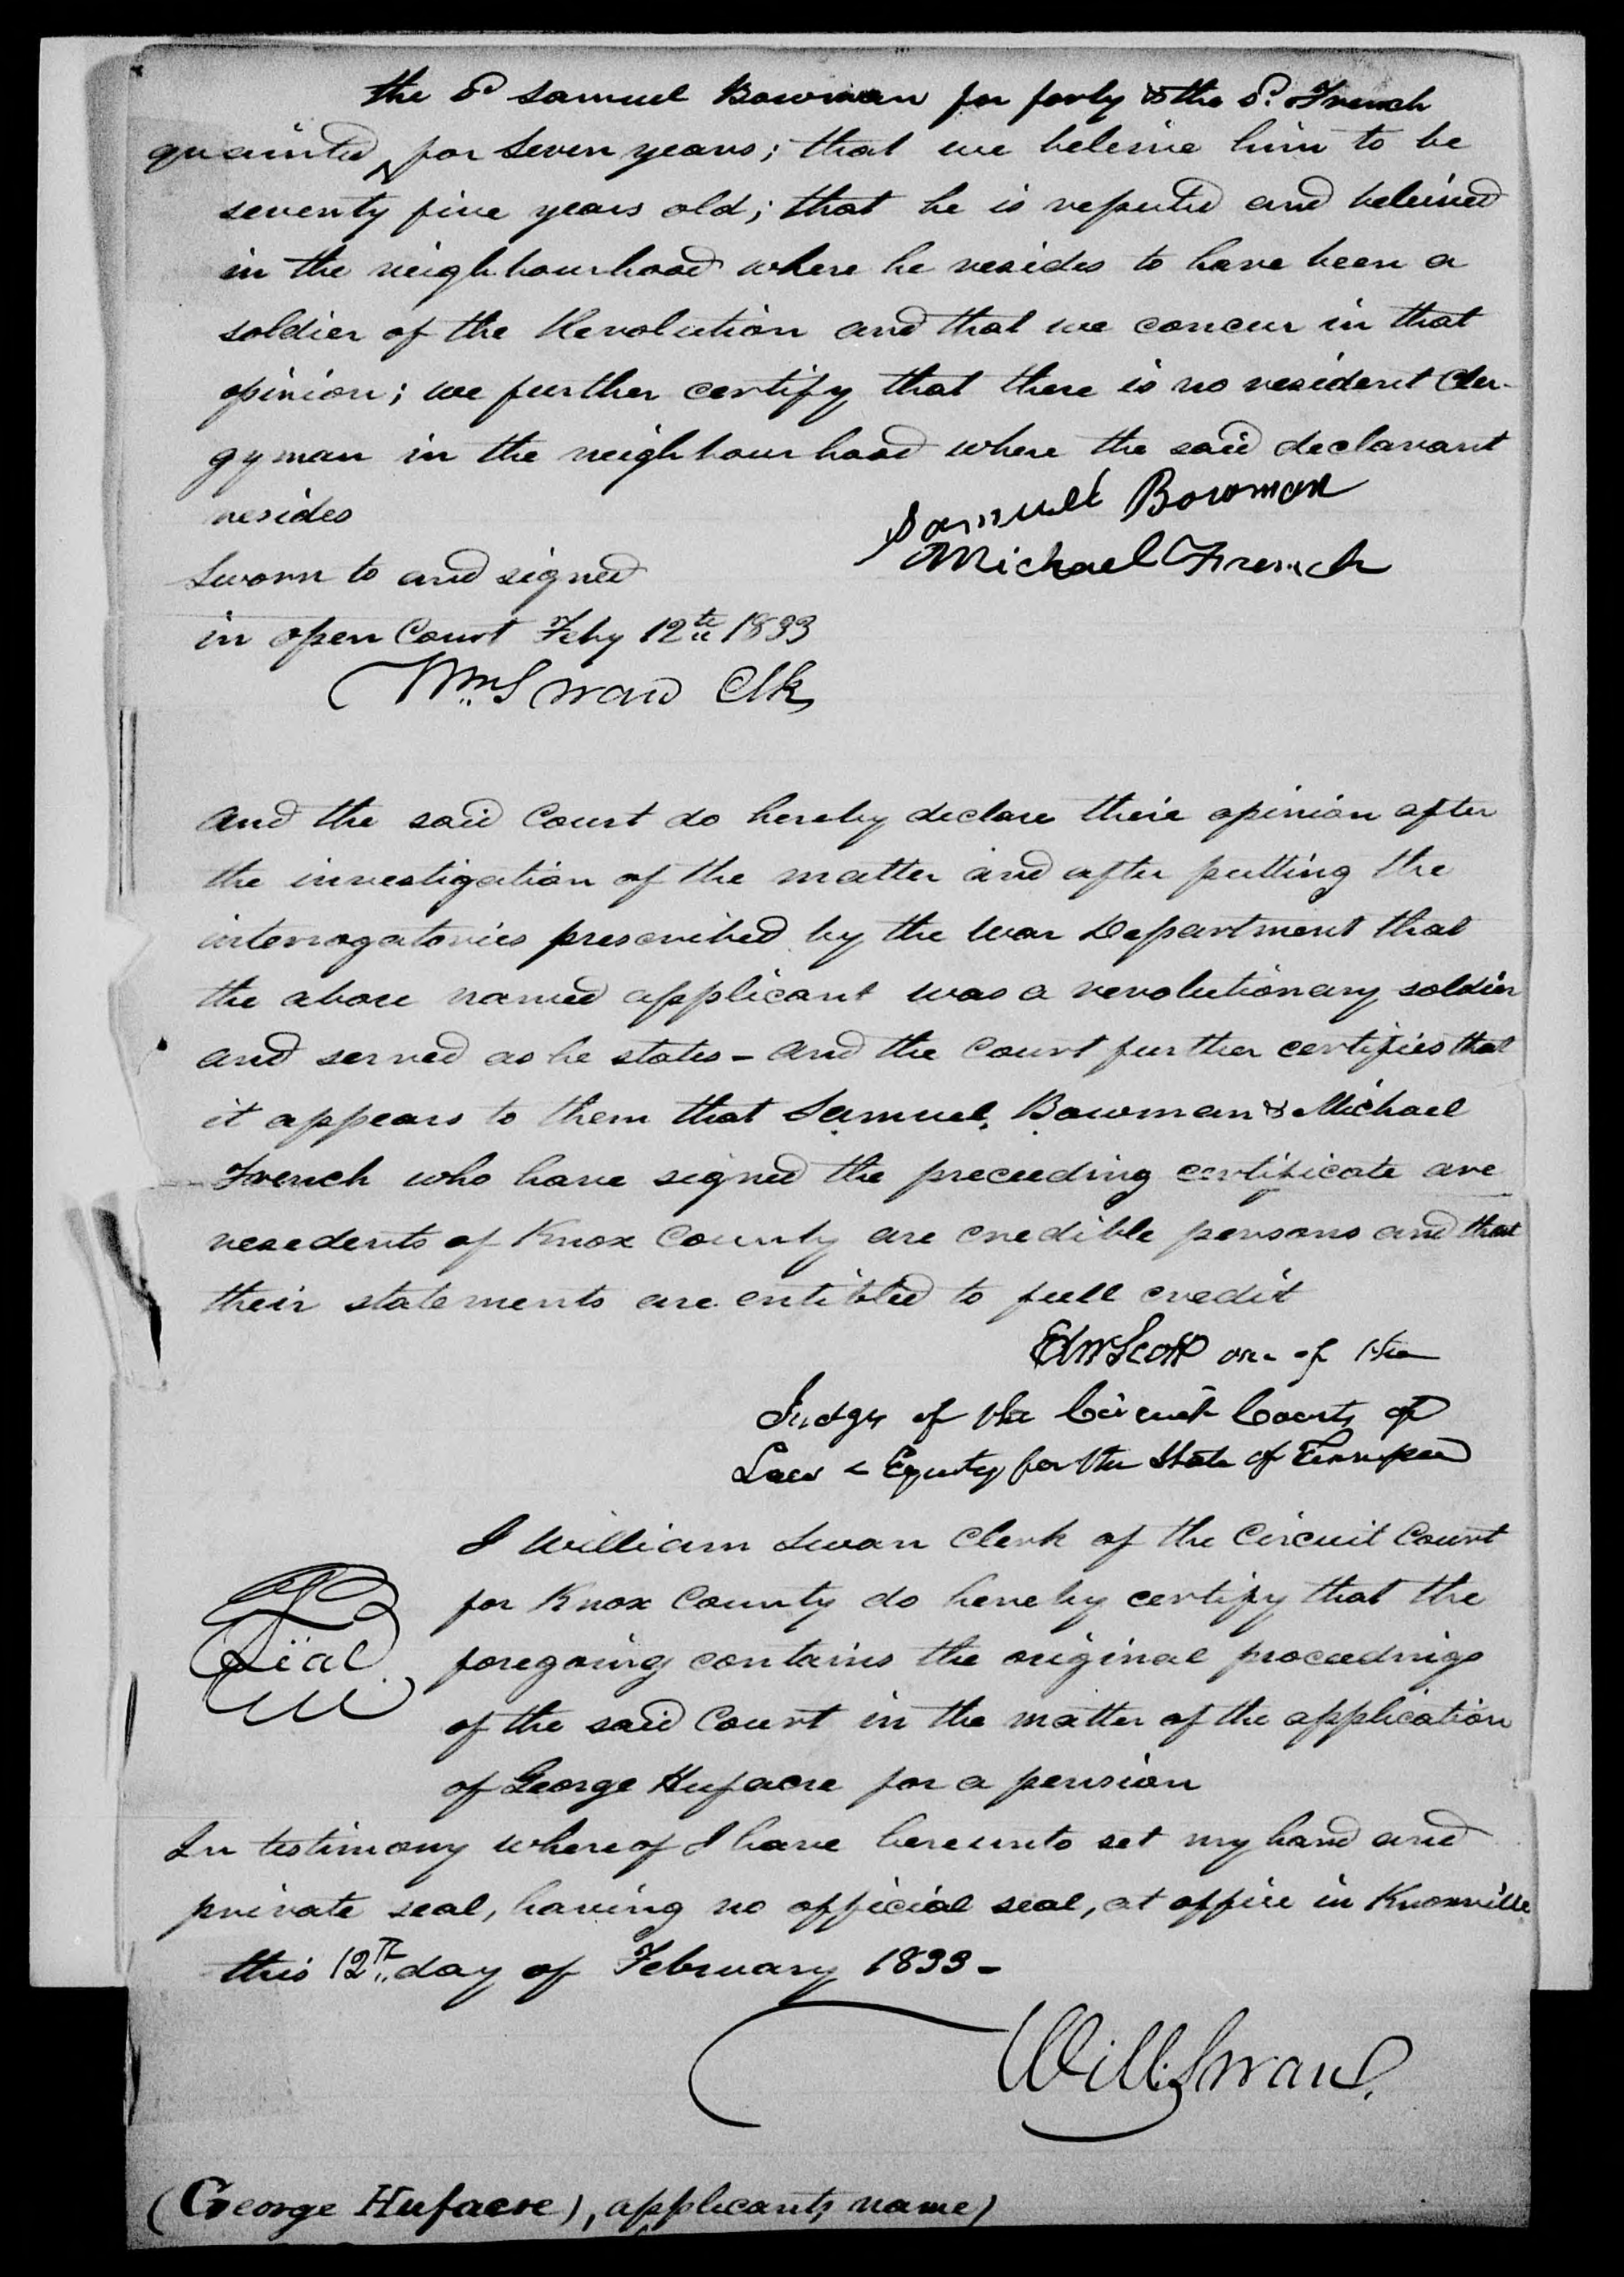the [illegible] Samuel Bowman for forty & the [illegible] French
quainted [acquainted] for Seven years; that we believe him to be seventy five years old; that he is reputed and believed in the neighbourhood where he resides to have been a soldier of the Revolution and that we concur in that opinion; we further certify that there is no resident clergyman in the neighbourhood where the said declarant resides.  
Sworn to and signed in open Court Feby 12th 1833, Wm S Ward Clk 
[Signatures of Samuel Bowman and Michael French]

And the said court do hereby declare their opinion after the investigation of the matter and after pulling the interrogatories prescribed by the War Department that the above named applicant was a Revolutionary soldier and served as he states - and the court further certifies that it appears to them that Samuel Bowman & Michael French who have signed the preceeding certificate are residents of Knox County are credible persons and that their statements are entitled to full credit.
Edw Scott one of the Judges of the Circuit Court of Law & Equity for the State of Tennessee.
[Seal] I William Swan Clerk of the Circuit Court for Knox County do hereby certify that the foregoing contains the original proceedings of the said Court in the matter of the application of George Hufacre for a pension. In testimony whereof I have hereunto set my hand and private seal, having no official seal, at office in Knoxville this 12th day of February 1833. 
William Swan [signed]
(George Hufacre), applicants name.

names: Wm S Ward, Samuel Bowman, Michael French, William Swan, Edw Scott, George Hufacre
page: 7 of 19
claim: survivor's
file: S. 1826, George Hufacre, Va.